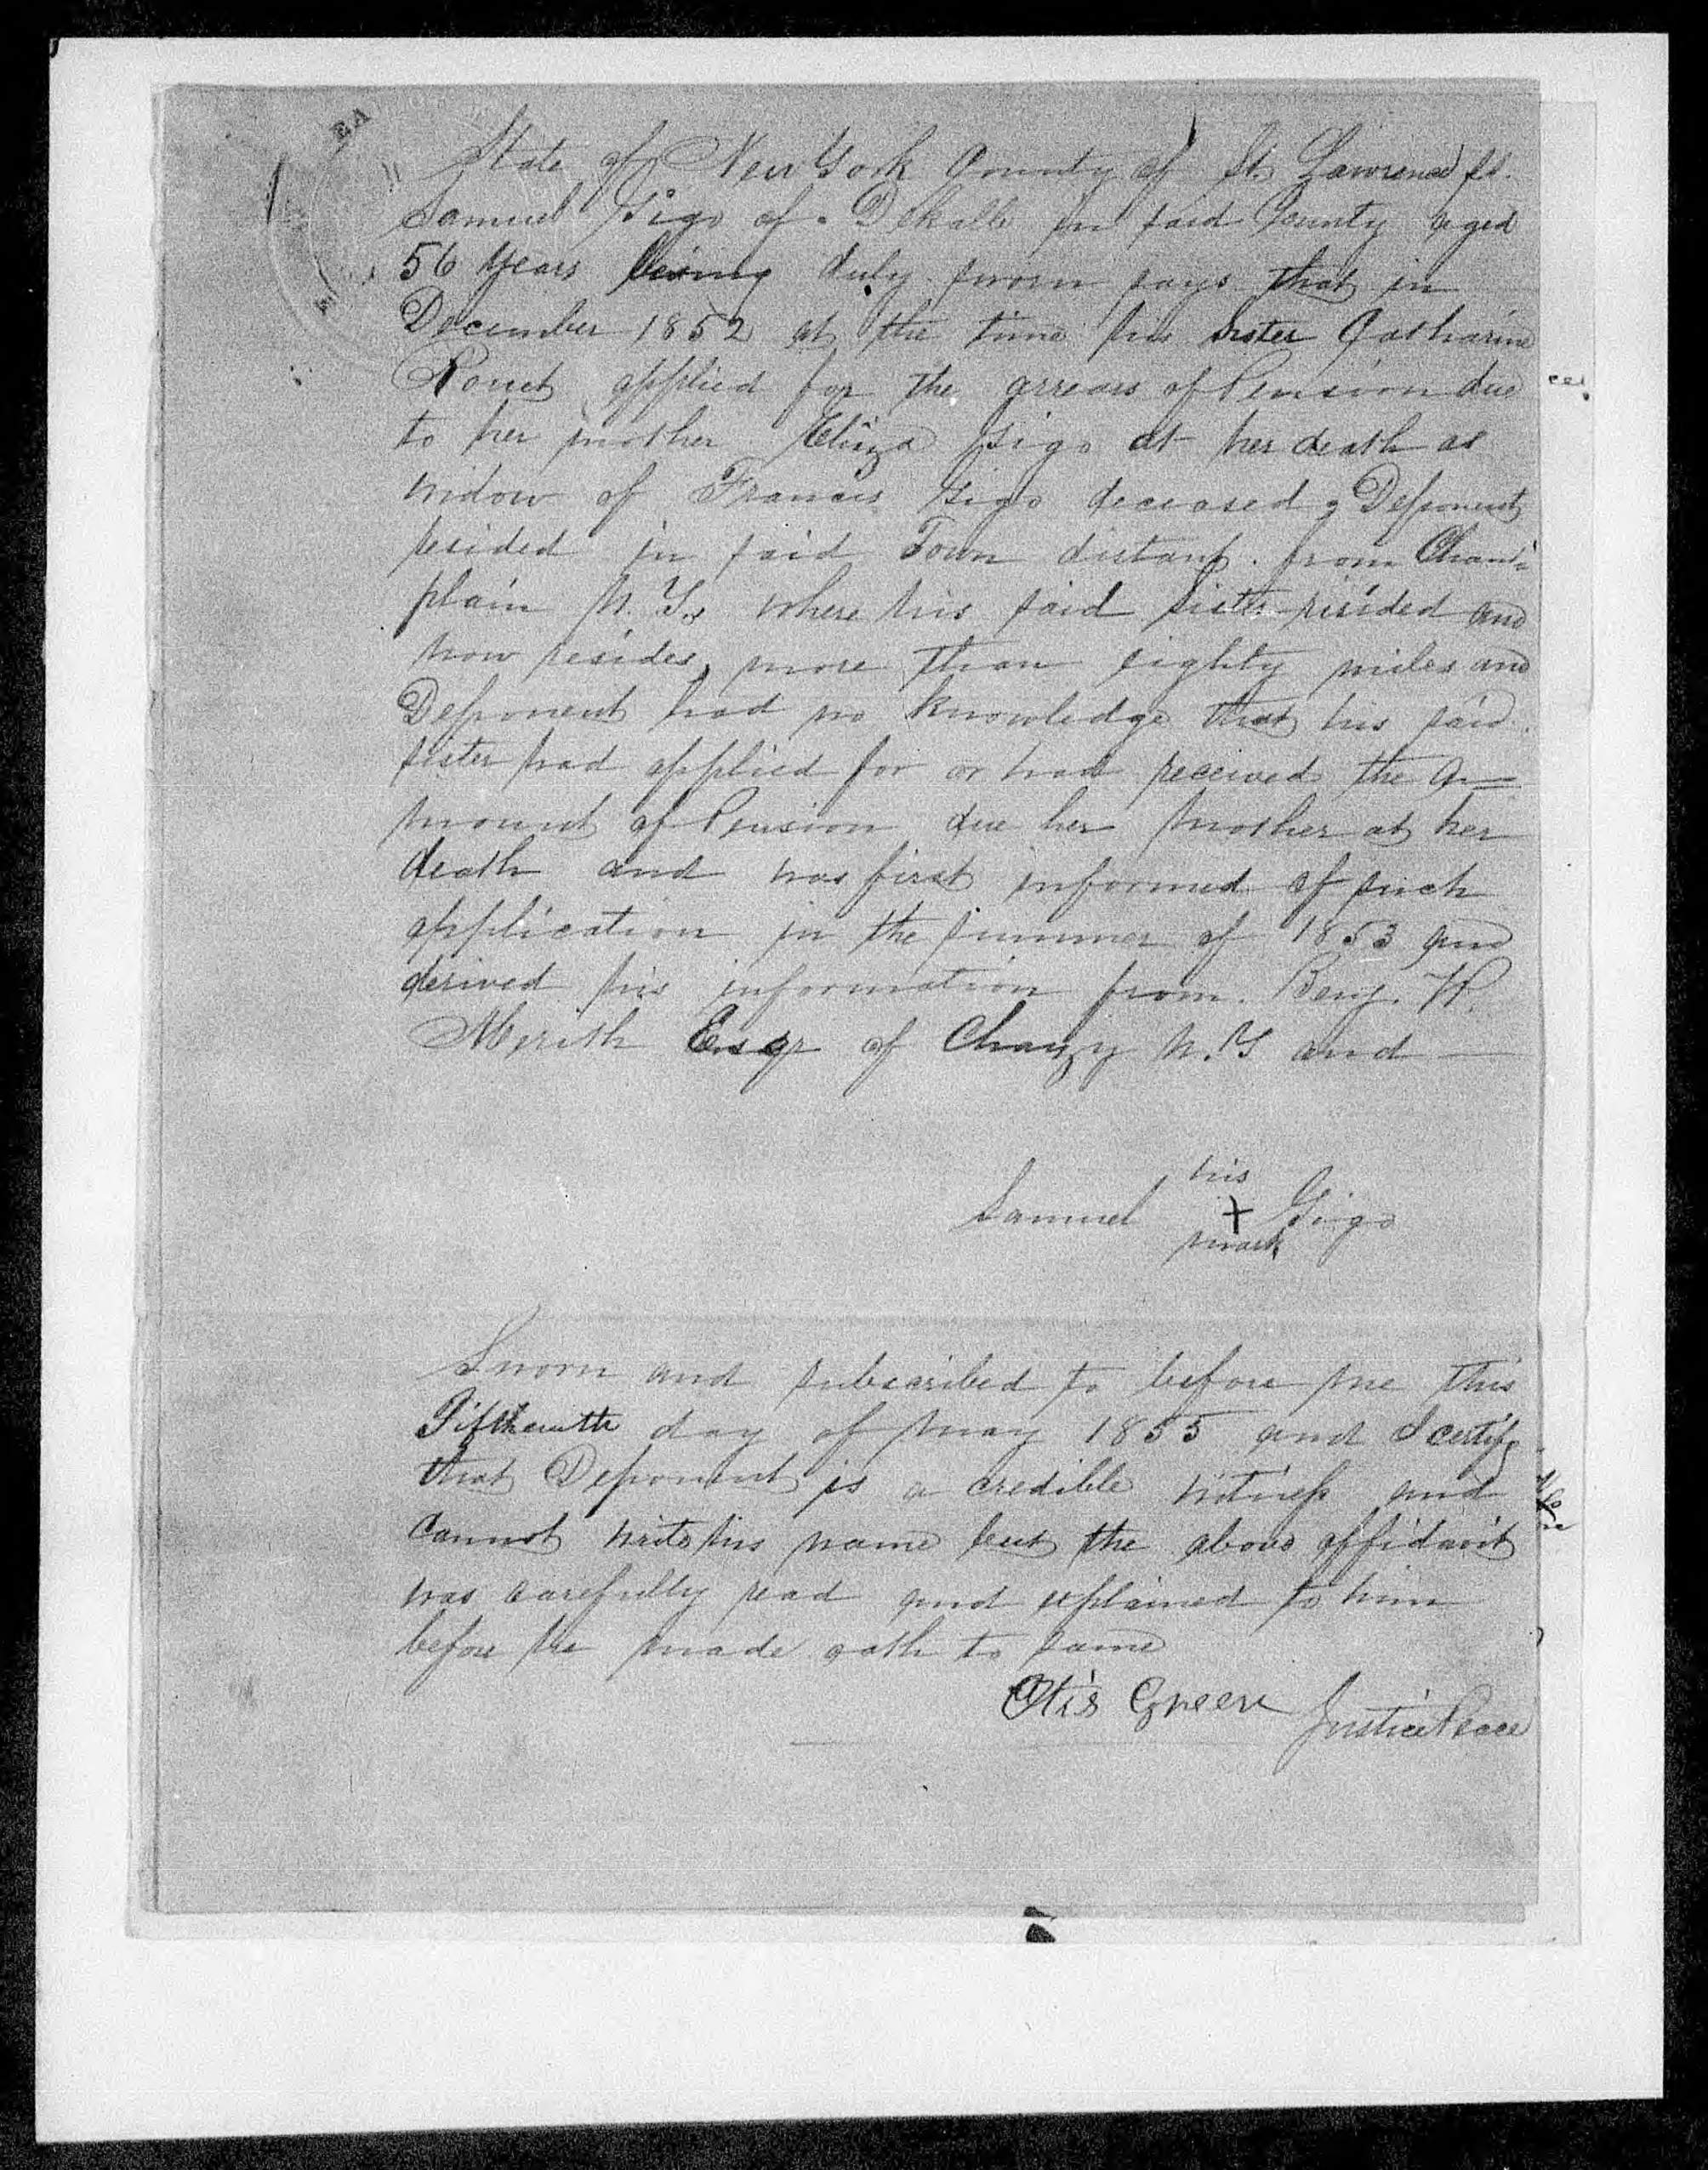[seal]
 State of New York County of St. Lawrence ss
Samuel Gigo of Dekalb for in said County aged
56 years being duly sworn says that in December 1852 at the time his Sister Catherine Roush applied for the arrears of Pension due to her mother Eliza Gigo at her death as widow of Francis Gigo deceased. Deponent resided in said Town distant from Champlain N.Y. where his said Sister resided and now resides, more than eighty miles and Deponent had no knowledge that sister had applied for or had received the amount of Pension due her mother at her death and was first informed of such application in the summer of 1853 and derived his information from Benj. H Merith Esq of Chazy N.Y. and
Samuel (x his mark) Gigo

Sworn and subscribed to before me this Fifthteenth day of May 1855 and I certify that Deponent is a credible witness and cannot write his name but the above affidavit was carefully read and explained to him before he made oath to same
Otis Green  Justice Peace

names: Otis Green, Catharine Rouet, Samuel Gigo, Eliza Gigo, Francis Gigo, Benj W Merith, Samuel Gigo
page: 57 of 98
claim: widow's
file: W. 21182, Francis Gigo, Continental (Canadian)